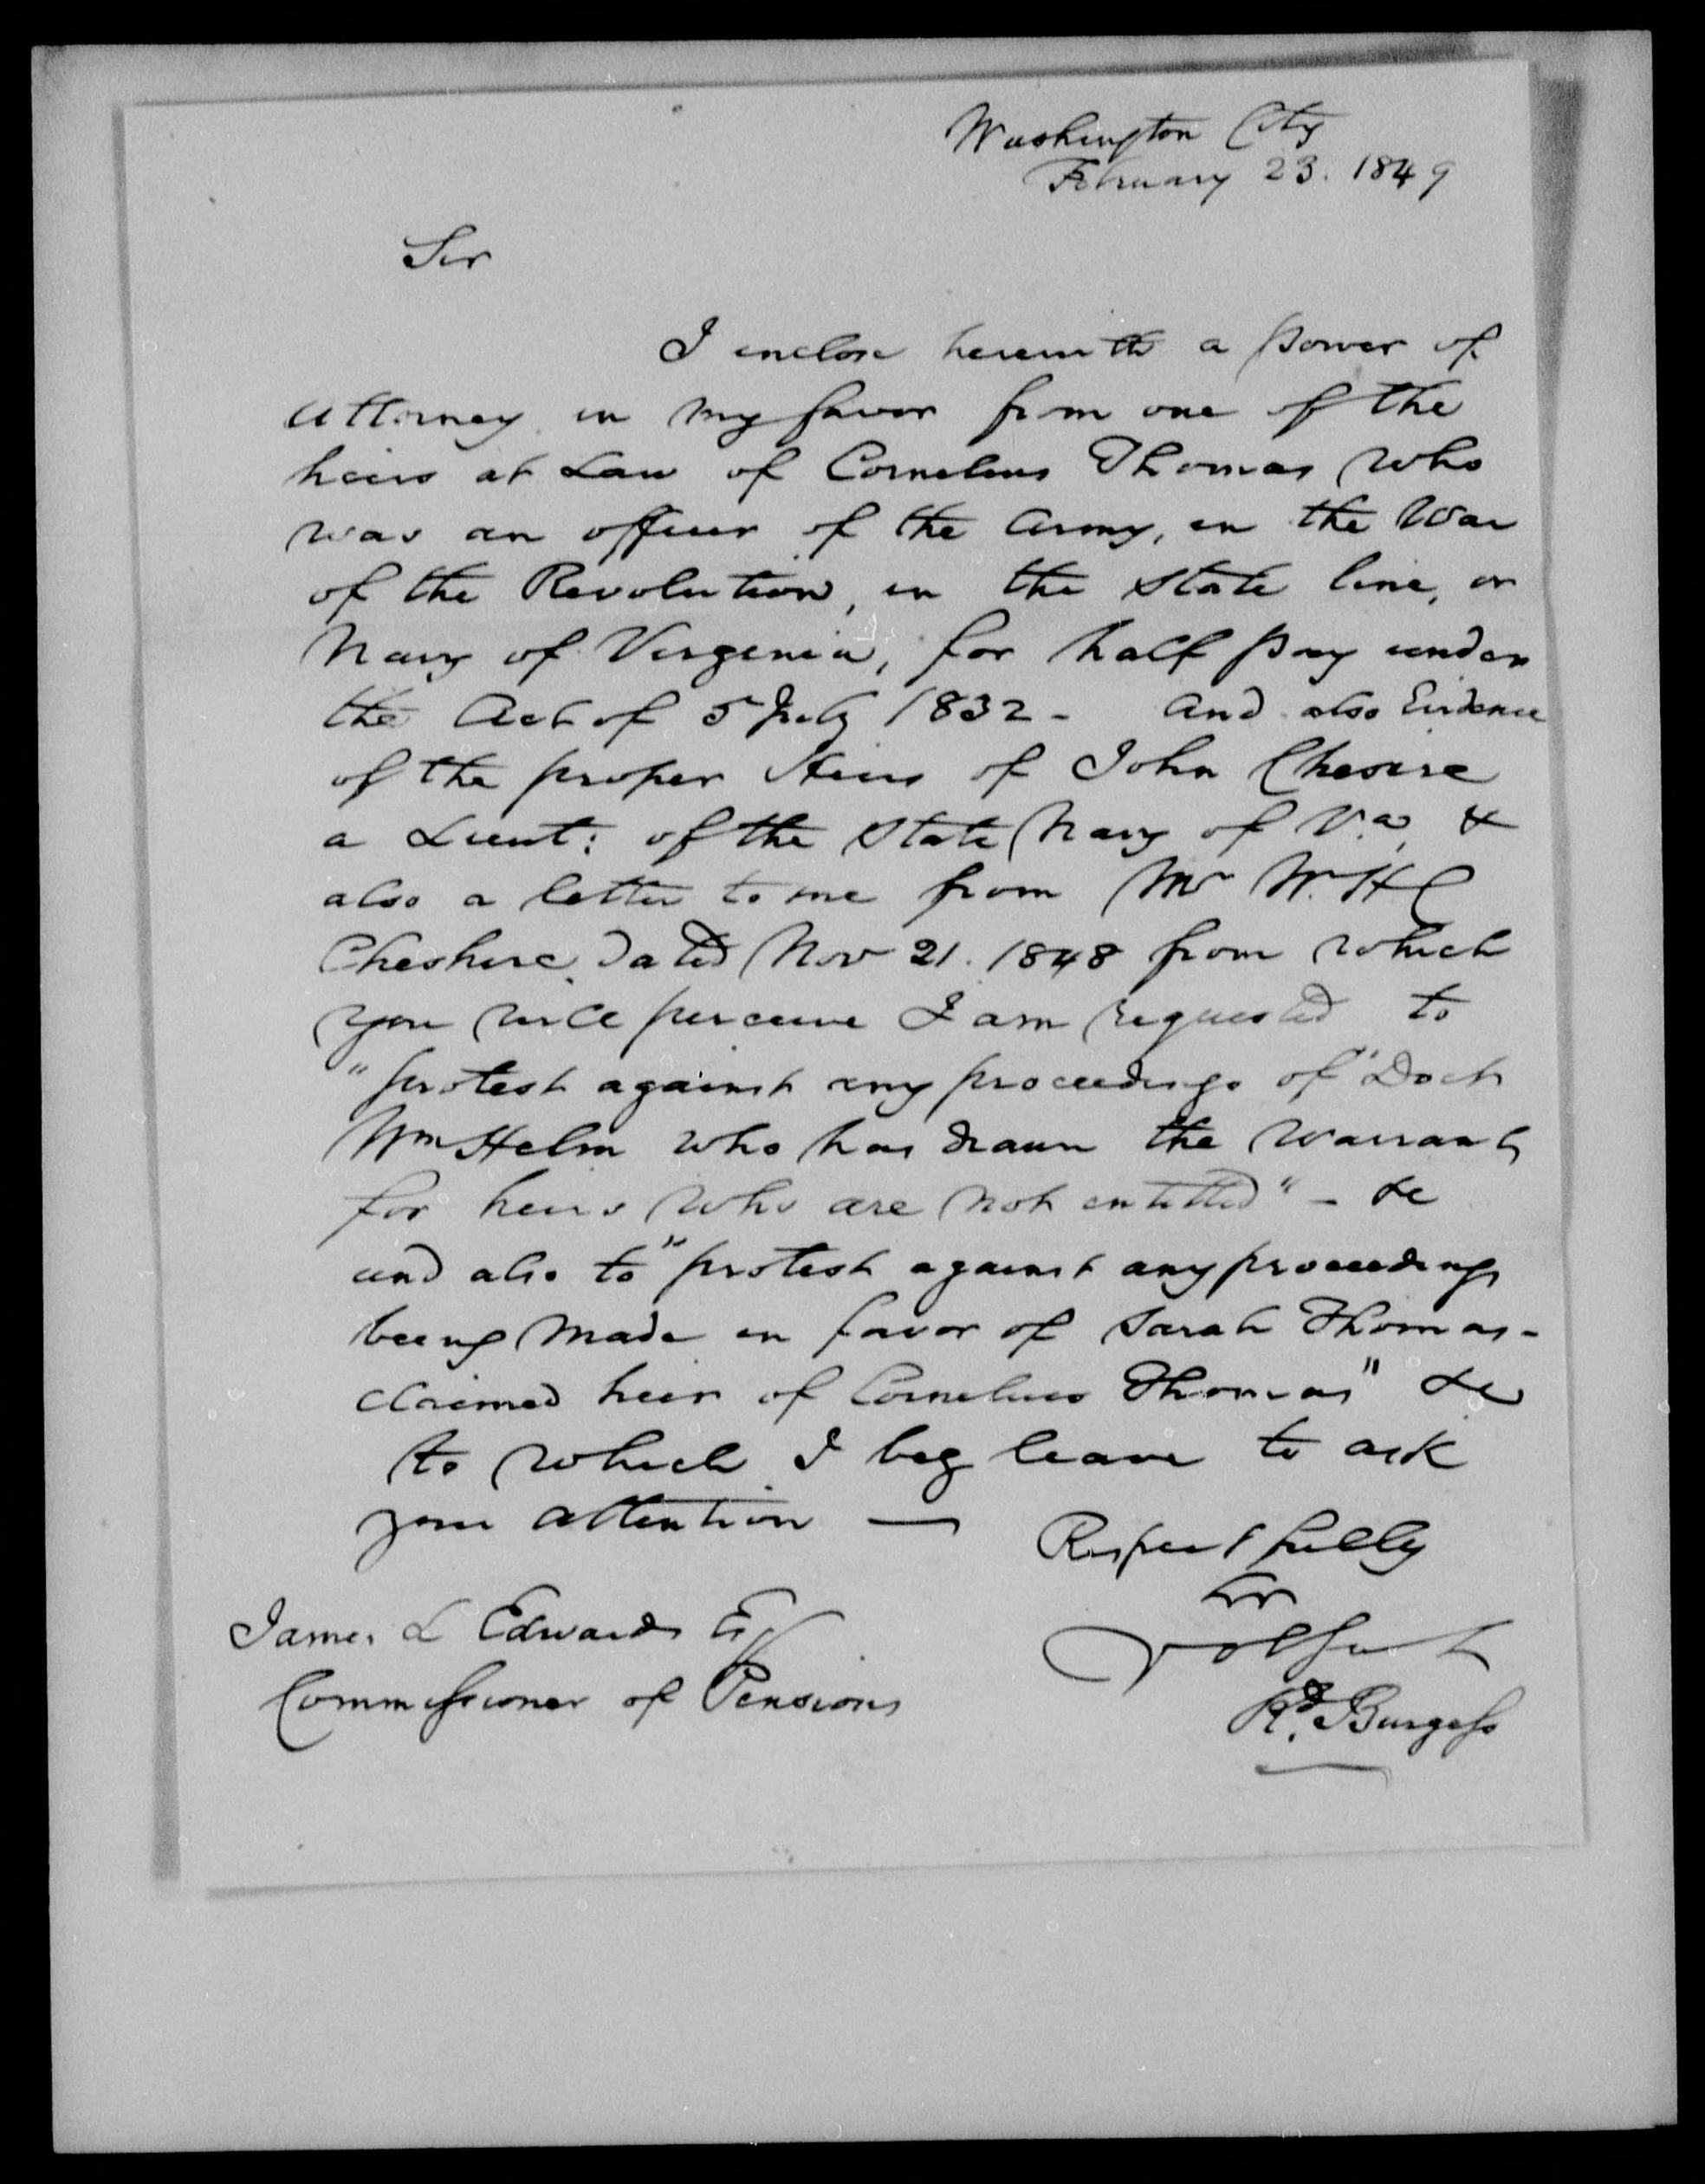Washington City
February 23, 1849
Sir
I enclose herewith a Power of Attorney in my favor from of the heirs of Law of Cornelius Thomas who was an office of the Army, in the War of the Revolution, in the State line, on Navy of Virginia, for half pay under the Act of 5 July 1832 - And also Evidence of the proper heirs of John Chesire a Lieut: of the state Navy of Va & also a letter to me from Mr. W. HC Cheshire dated Nov 21, 1848 from which you will perceive I am requested to "protect against any proceedings of Doch Wm Helm who has drawn the Warrant for heirs who are not entitled" - [illegible] and also to "protect against any proceeding being Made in favor of Sarah Thomas - claimed heir of Cornelius Thomas" [illegible] to which I beg leave to ask your attention - 
Respectfully
[illegible signature]
R. Burgess
James L. Edwards E.
Commissioner of Pensions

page: 5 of 6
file: R, for Cornelius Thomas, Virginia